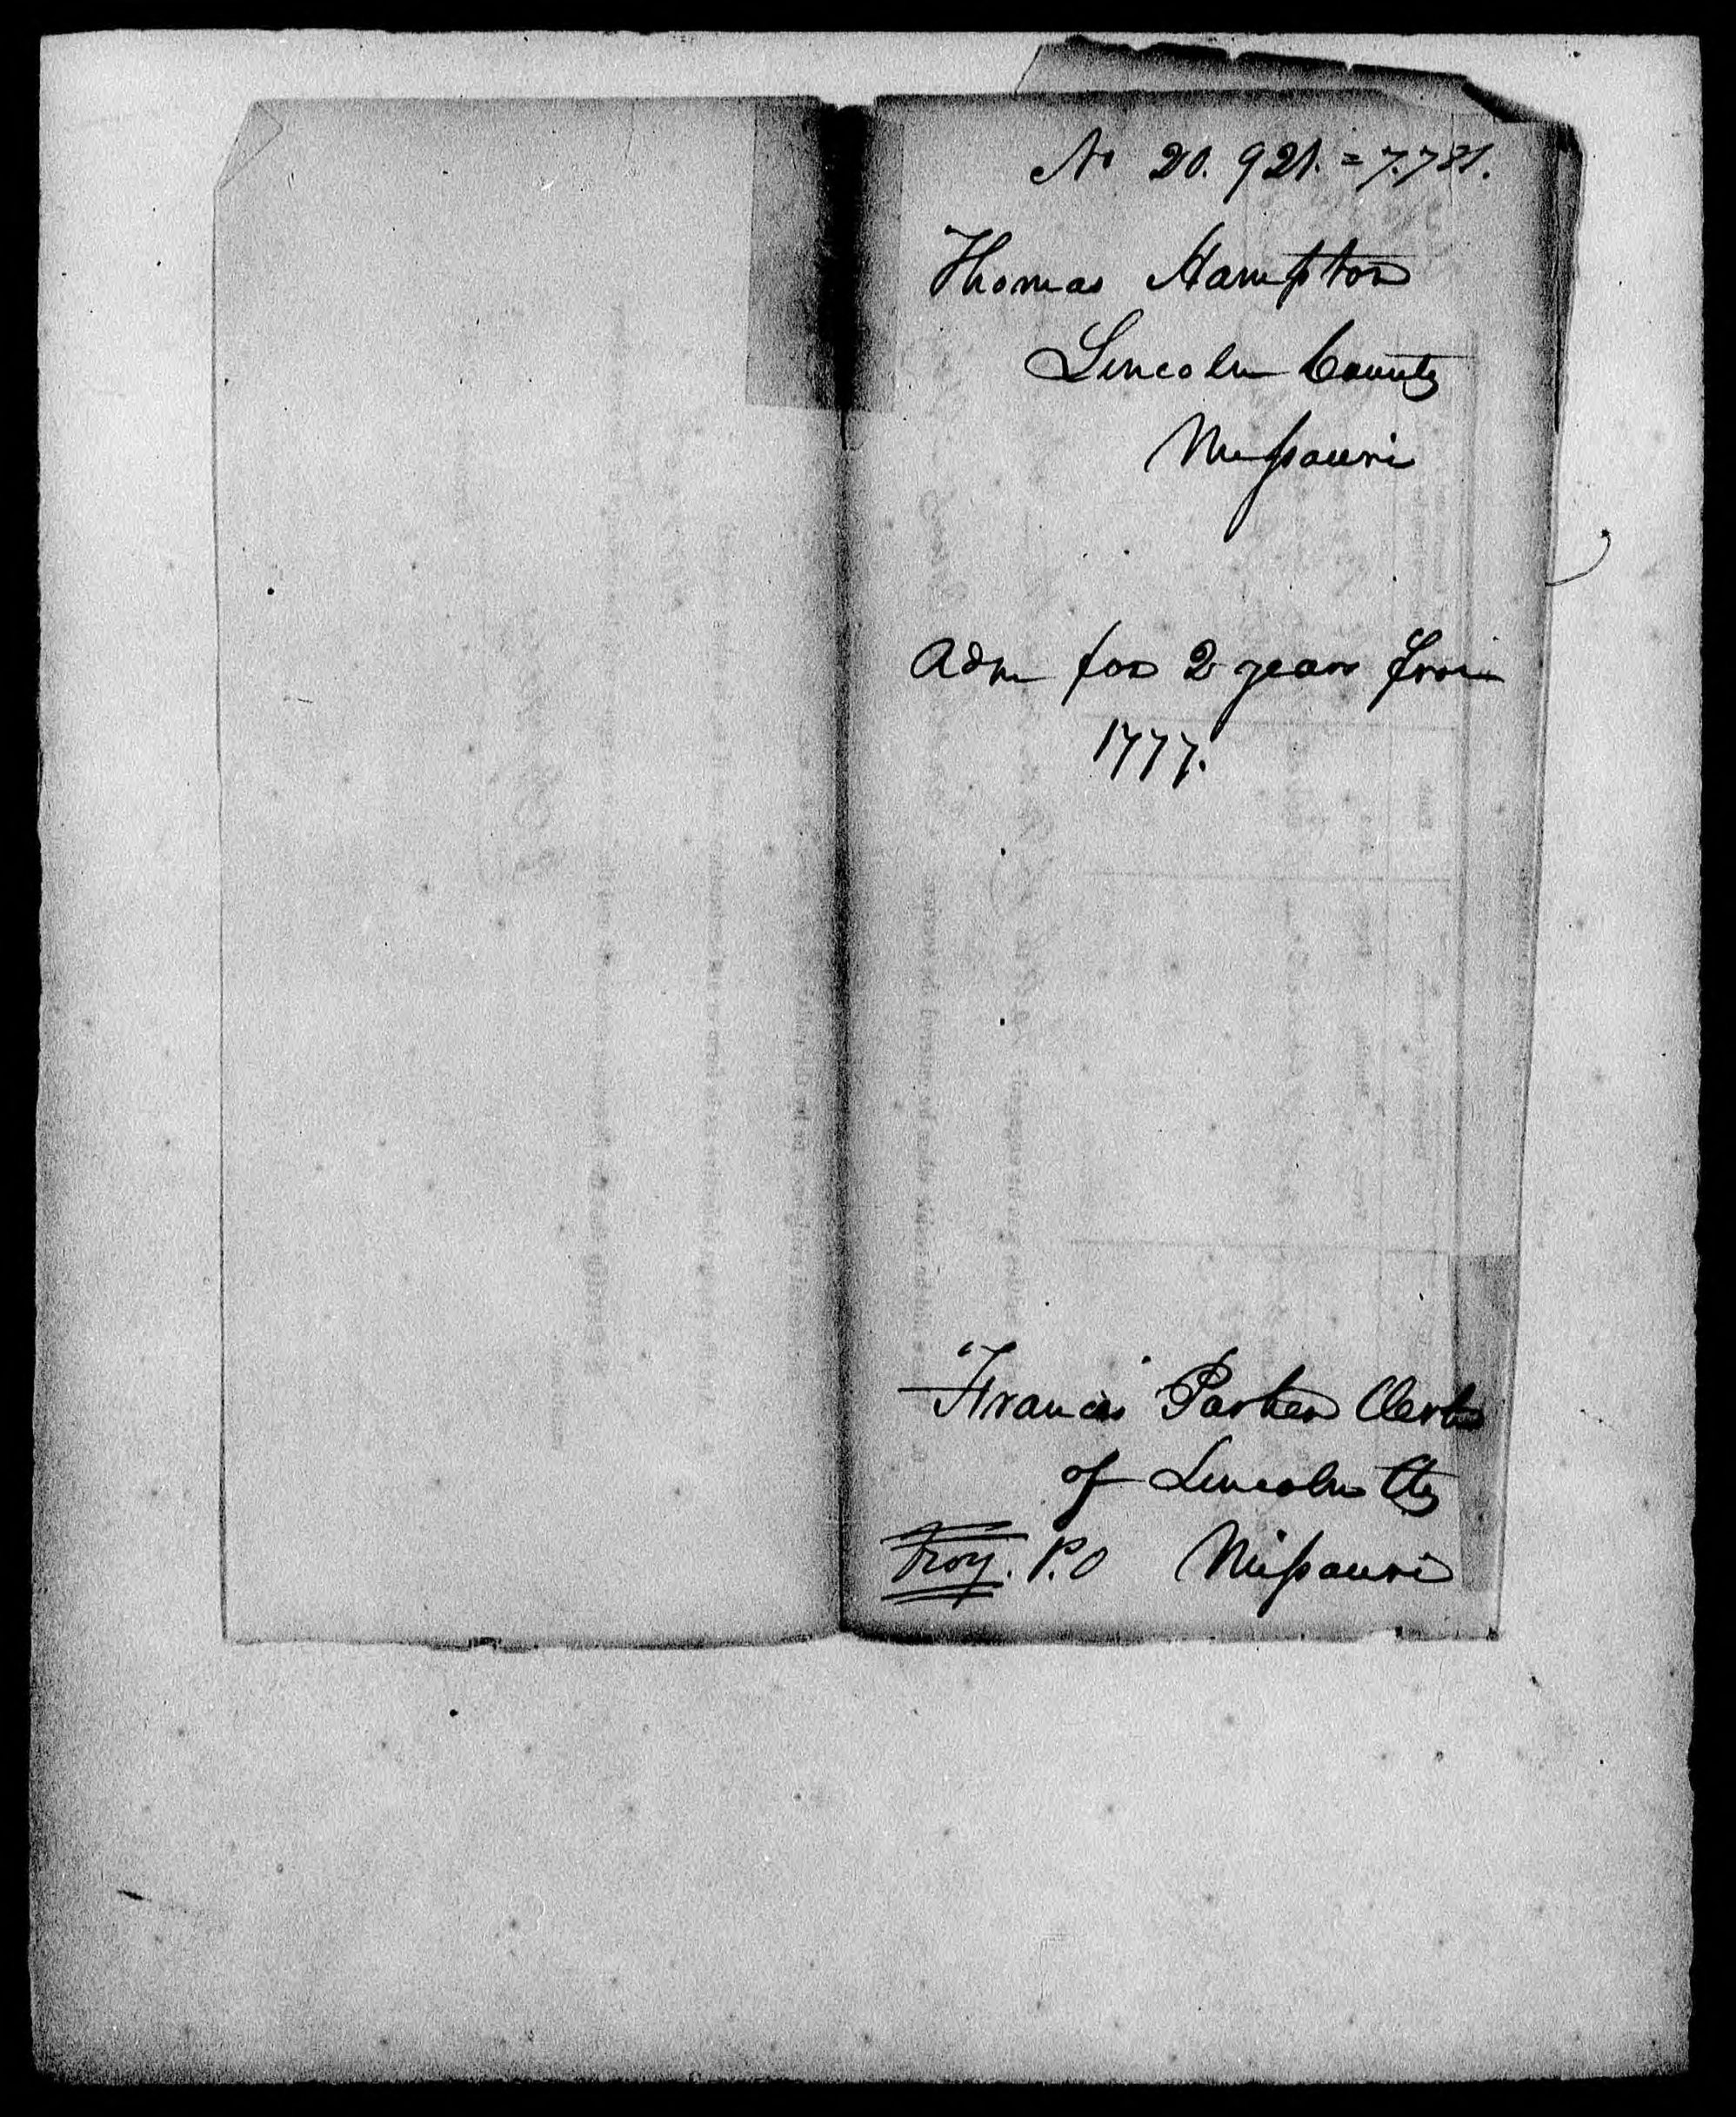No 20,921. = 7.781.
Thomas Hampton
Lincoln County
Missouri
Adm for 2 years from 1777.
Francis Parker Clerk
of Lincoln Cty
Troy. P.O Missouri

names: Thomas Hampton, Frances Parker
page: 5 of 26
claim: survivor's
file: S. 16842, Thomas Hampton, Va.